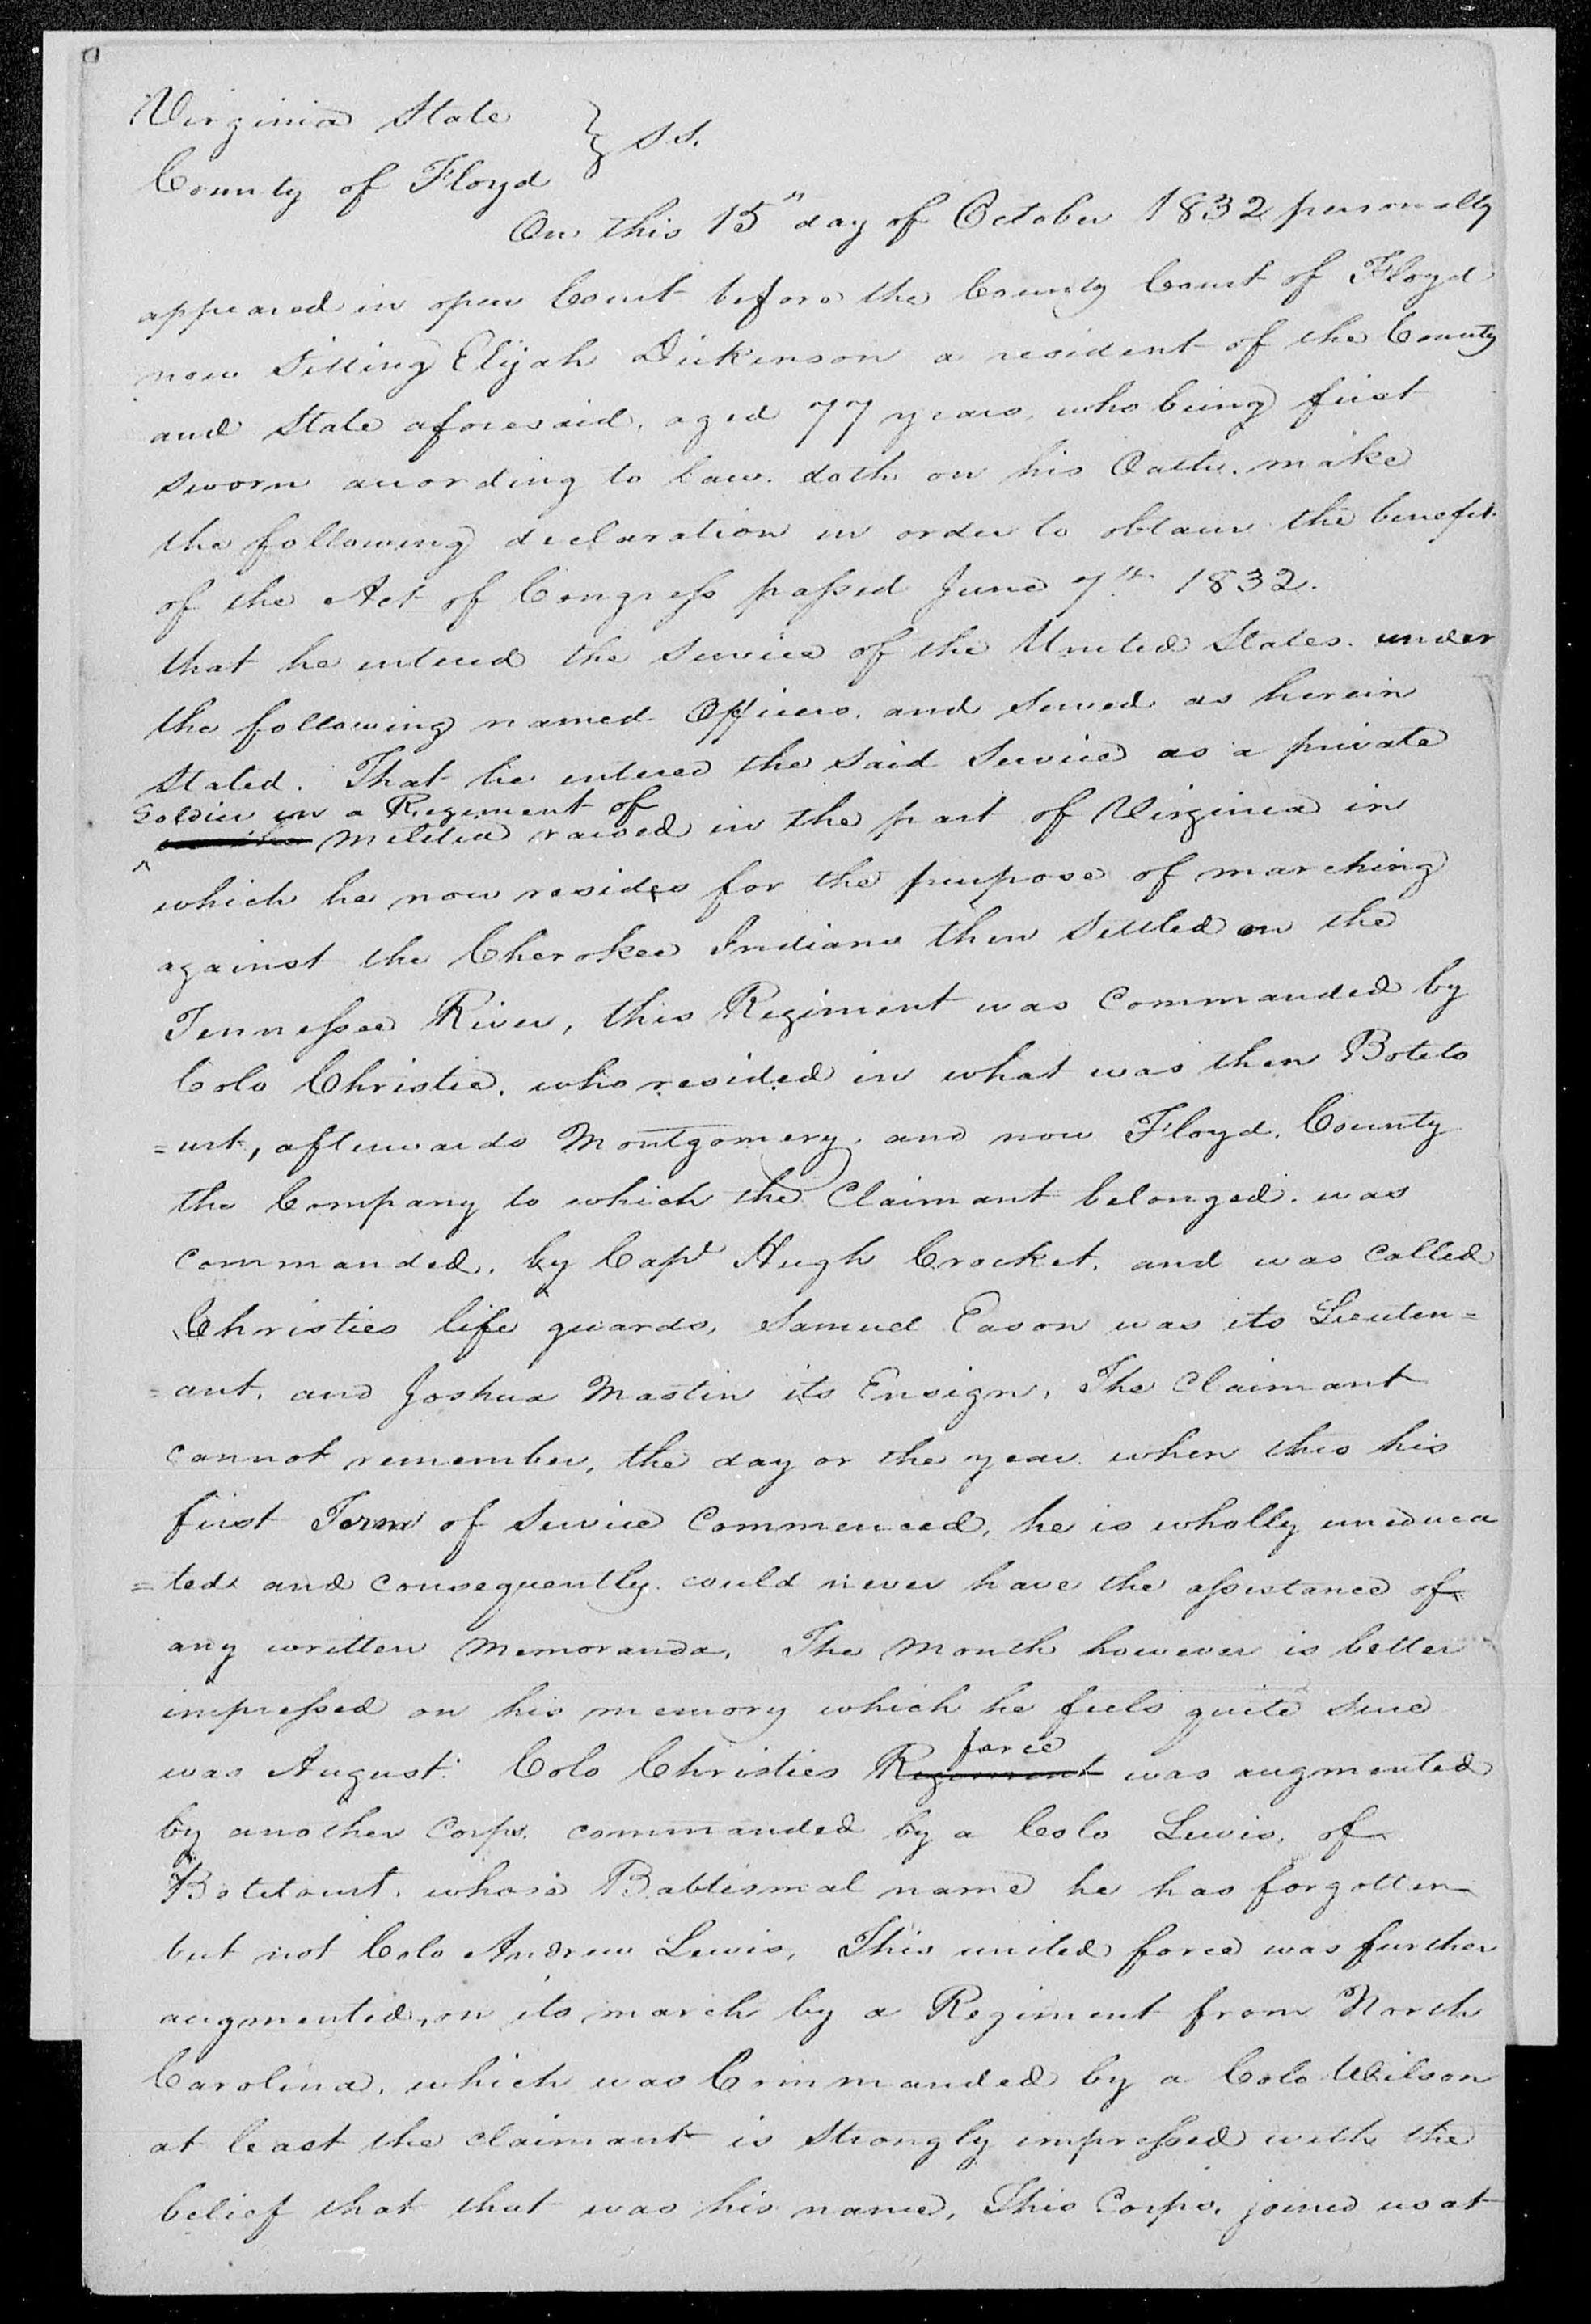Virginia State
County of Floyd} S.S.
On this 15th day of October 1832 personally appeared in open Court before the County Court of Floyd now Sitting Elijah Dickenson a resident of the County and State aforesaid aged 77 years, who being first sworn according to law, doth on his Oath, make the following declaration in order to obtain the benefit of the Act of Congress passed June 7th 1832.
that he entered the service of the United States under the following named Officers, and Served as herein stated. That he entered the said Service as a private soldier in a Regiment of Militia raised in the part of Virginia in which he now resides for the purpose of marching against the Cherokee Indians then settled on the Tennessee River, this Regiment was Commanded by Colo Christie, who resided in what was then Botetant, afterwards Montgomery, and now Floyd County the Company to which the Claimant belonged was Commanded by Capt Hugh Crocket, and was called Christies life guards, Samuel Eason was its Lieutenant, and Joshua Mastin its Ensign, The Claimant cannot remember, the day or the year when this his first Term of Service Commenced, he is wholly uneducated and consequently could never have the assistance of any written memoranda, The month however is better impressed on his memory which he feels quite sure was August. Colo Christies force was augmented by another Compy. commanded by a Colo Lewis, of Botetant, whose Bablismal name he has forgotten but not Colo Andrew Lewis. This united force was further augmented, on its march by a Regiment from North Carolina, which was Commanded by a Colo Wilson at least the claimant is strongly impressed with the belief that that was his name, This Corps, joined us at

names: Wilson, Joshua Mastin, Andrew Lewis, Christies, Samuel Eason, Hugh Crocket, Lewis, Christie, Elijah Dickenson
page: 3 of 12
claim: survivor's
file: S. 6796, Elijah Dickenson, Va.